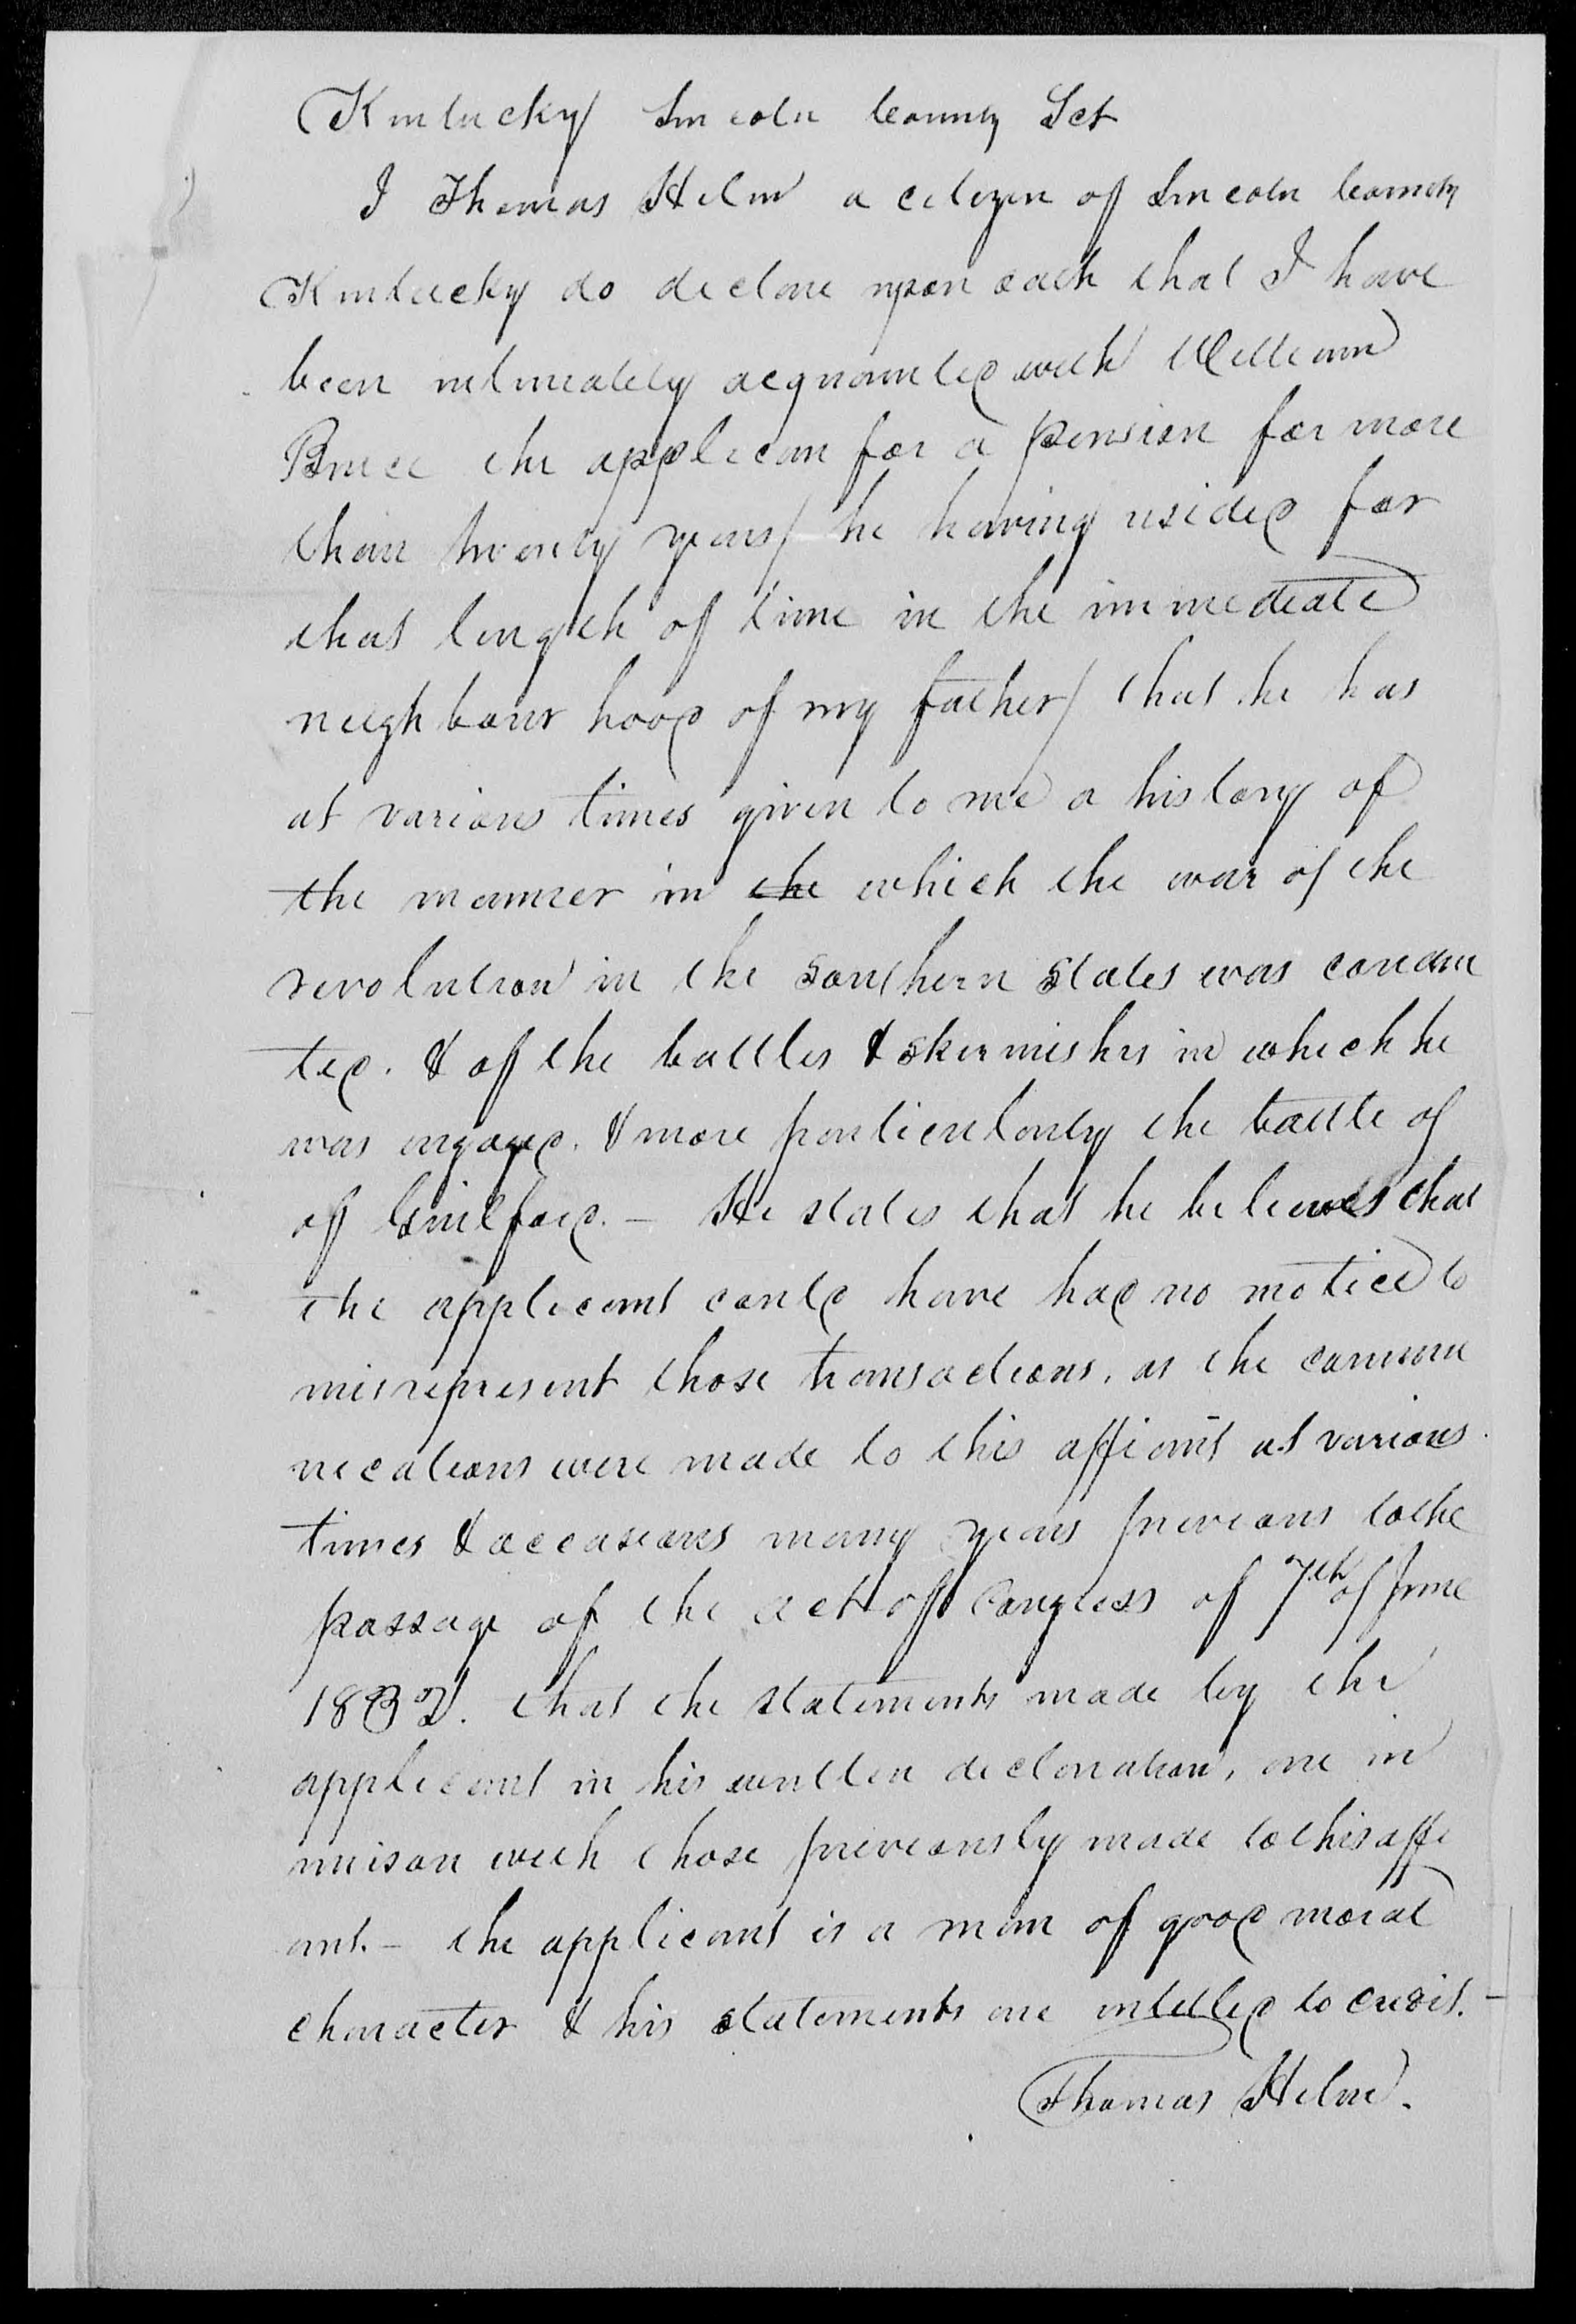Kentucky Lincoln County Sct 
I Thomas Helm a citizen of Lincoln County Kentucky do declare upon oath that I have been intimately acquainted with William Bruce the applicant for a pension for more than twenty years / he having resided for that length of time in the immediate neighbourhood of my father, that he has at various times given to me a history of the manner in which the war of the revolution in the southern States was conducted, & of the battles & skirmishes in which he was engaged & more particularly the battle of Guilford. - He states that he believes that the applicant cant [cannot] have had no notice to misrepresent those transactions, as the communications were made to this affiant at various times & occasions many years previous to the passage of the act of Congress of 7th of 1832, that the statements made by the applicant in his written declaration, one in unison with those previously made to his affiant - the applicant is a man of good moral character & his statements are entitled to credit. –
Thomas Helm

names: William Bruce, Thomas Helm, Thomas Helm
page: 19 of 54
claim: survivor's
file: S. 30287, William Bruce, N.C.